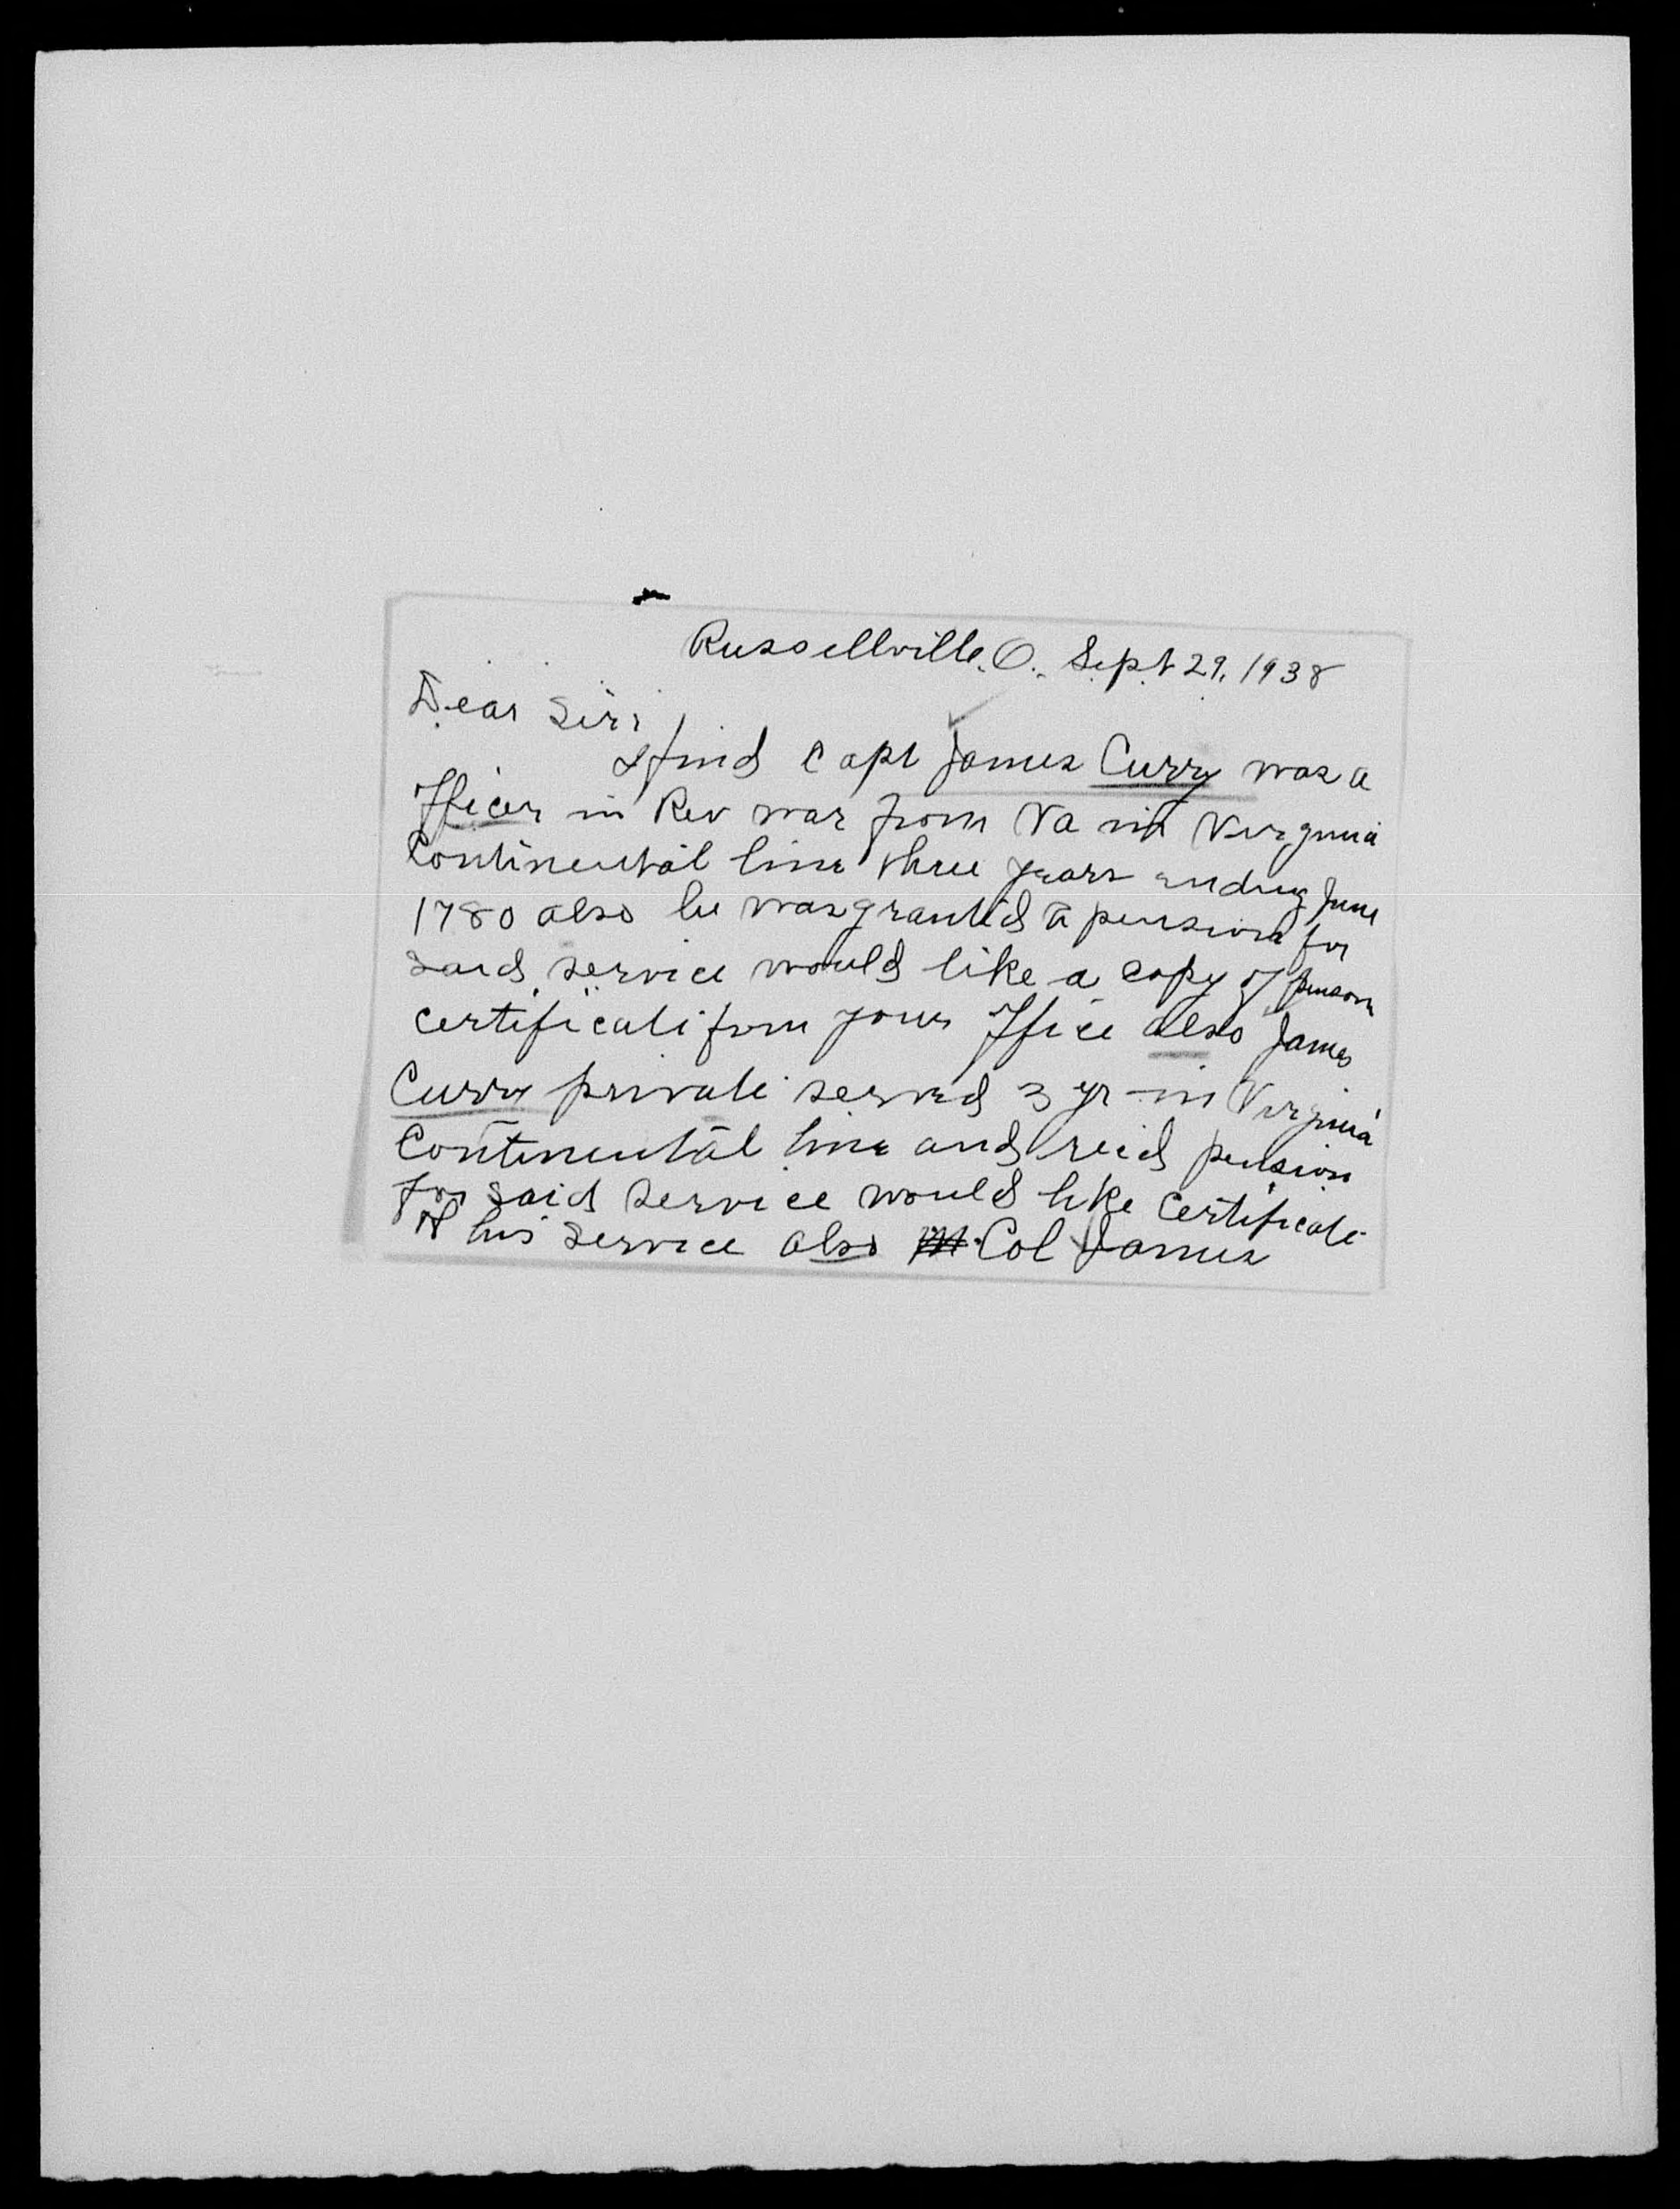Russellville O.,  Sept 29, 1938
Dear Sir
I find Capt James Curry was a
officer in Rev War from Va in Virgina
Continental line three years ending June
1780 also he was granted a pension for
said service. would like a copy of pension
certificate from your office also  James
Curry private served 3 yr in Virginia
Continental line and rec'd pension
for said service would like Certificate
of his service also  M[crossed out] Col James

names: James Curry, James, James Curry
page: 28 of 32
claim: survivor's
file: S. 44230, James Curry, Va.